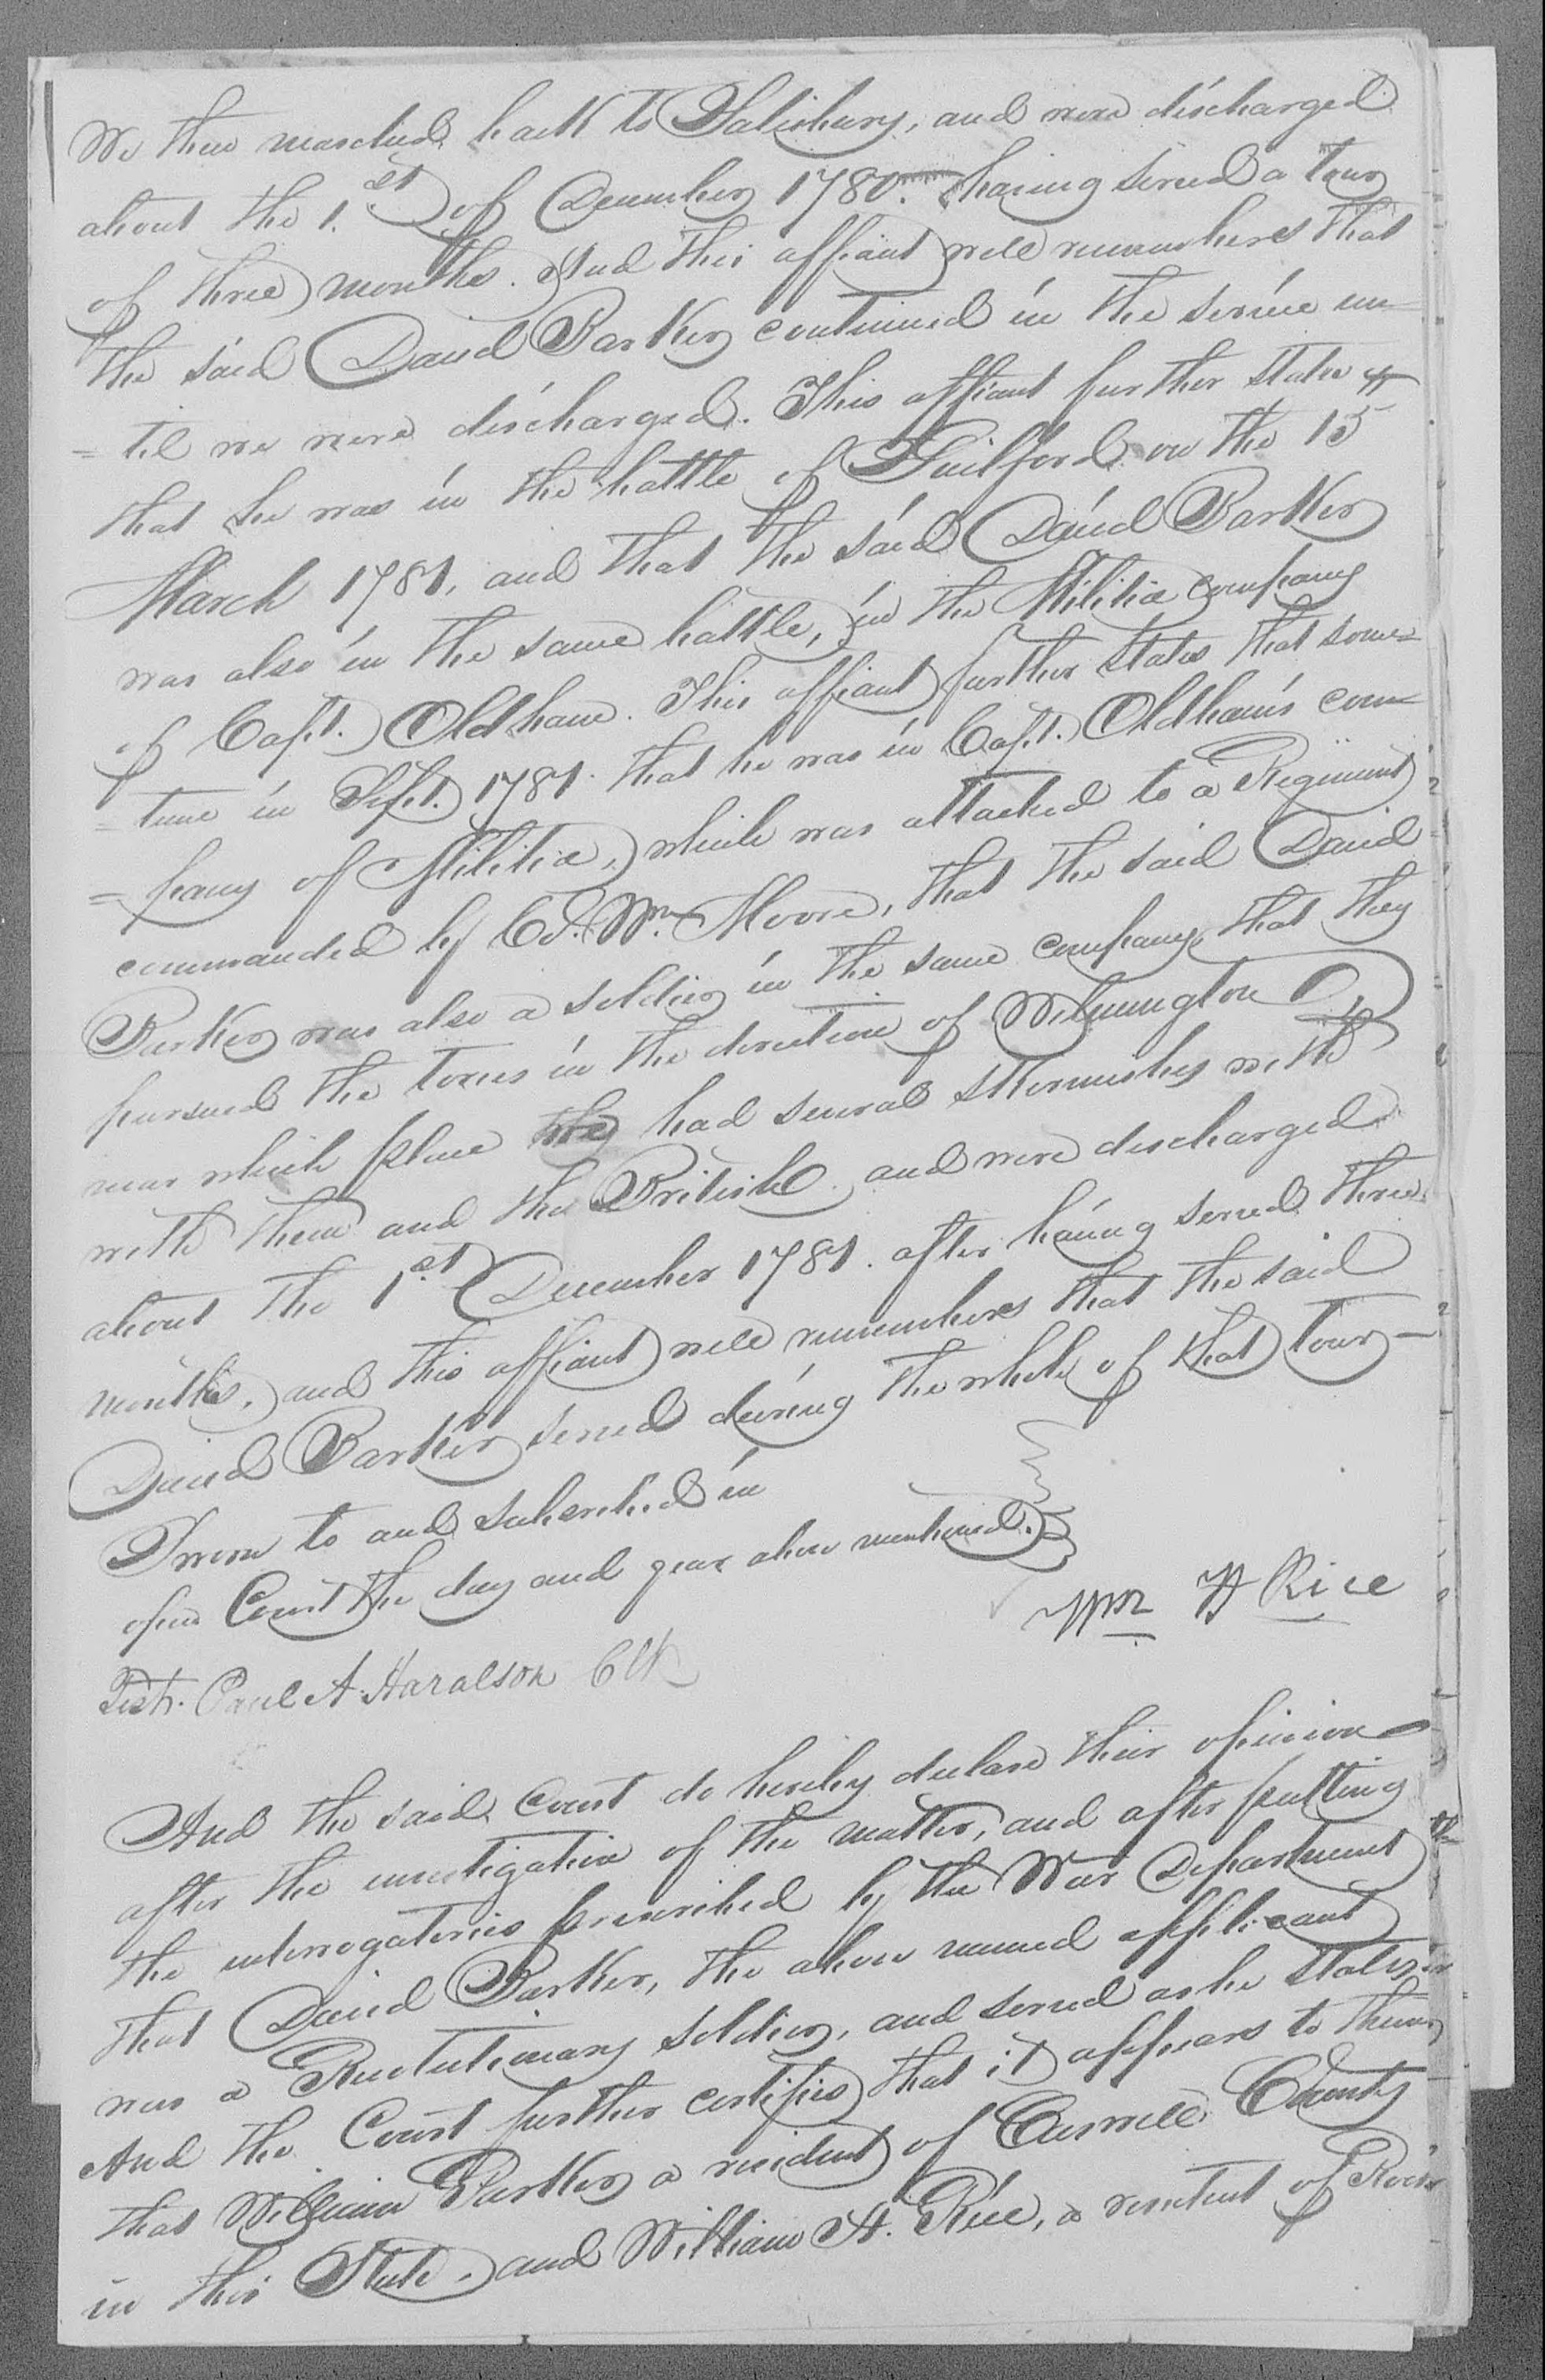We then marched back to Salisbury, and were discharged about the 1st of December 1780, having served a tour of three months. And this affiant well remembers that the said David Barker continued in the service until we were discharged. This affiant further states that he was in the battle of Guilford on the 15th [of] March 1781, and that the said David Barker was also in the same battle, in the Militia company of Capt [Captain] Oldham. This affiant further states that sometime in Sept [September] 1781 that he was in Capt [Captain] Oldham's company of Militia, which was attached to a Regiment commanded by Col. [Colonel] Wm [William] Moore. That the said David Barker was also a soldier in the same company that they pursued the Tories in the direction of Wilmington near which place we had several skirmishes with them and the British, and were discharged about the 1st [of] December 1781 after having served three months, and this affiant well remembers that the said David Barker served during the whole of that tour. 
Sworn to and subscribed in}
open Court the day and year above mentioned.}
Test: Paul A. Haralson, Clk 
Wm H. Rice

And the said Court do hereby declare their opinion after the investigation of the matter, and after putting the interrogatories prescribed by the War Department That David Parker, the above named applicant was a Revolutionary Solider, and served as he states. And the Court further certifies that it appears to them, That William Parker a resident of Caswell County in this State and William H. Price, a resident of Rock-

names: David Barker, Oldham, David Barker, William H Rice, Wm Moore, David Barker, David Barker, David Barker, Paul A Haralson, William Parker, Wm H Rice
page: 12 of 23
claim: survivor's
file: S. 6560, David Barker, N.C.